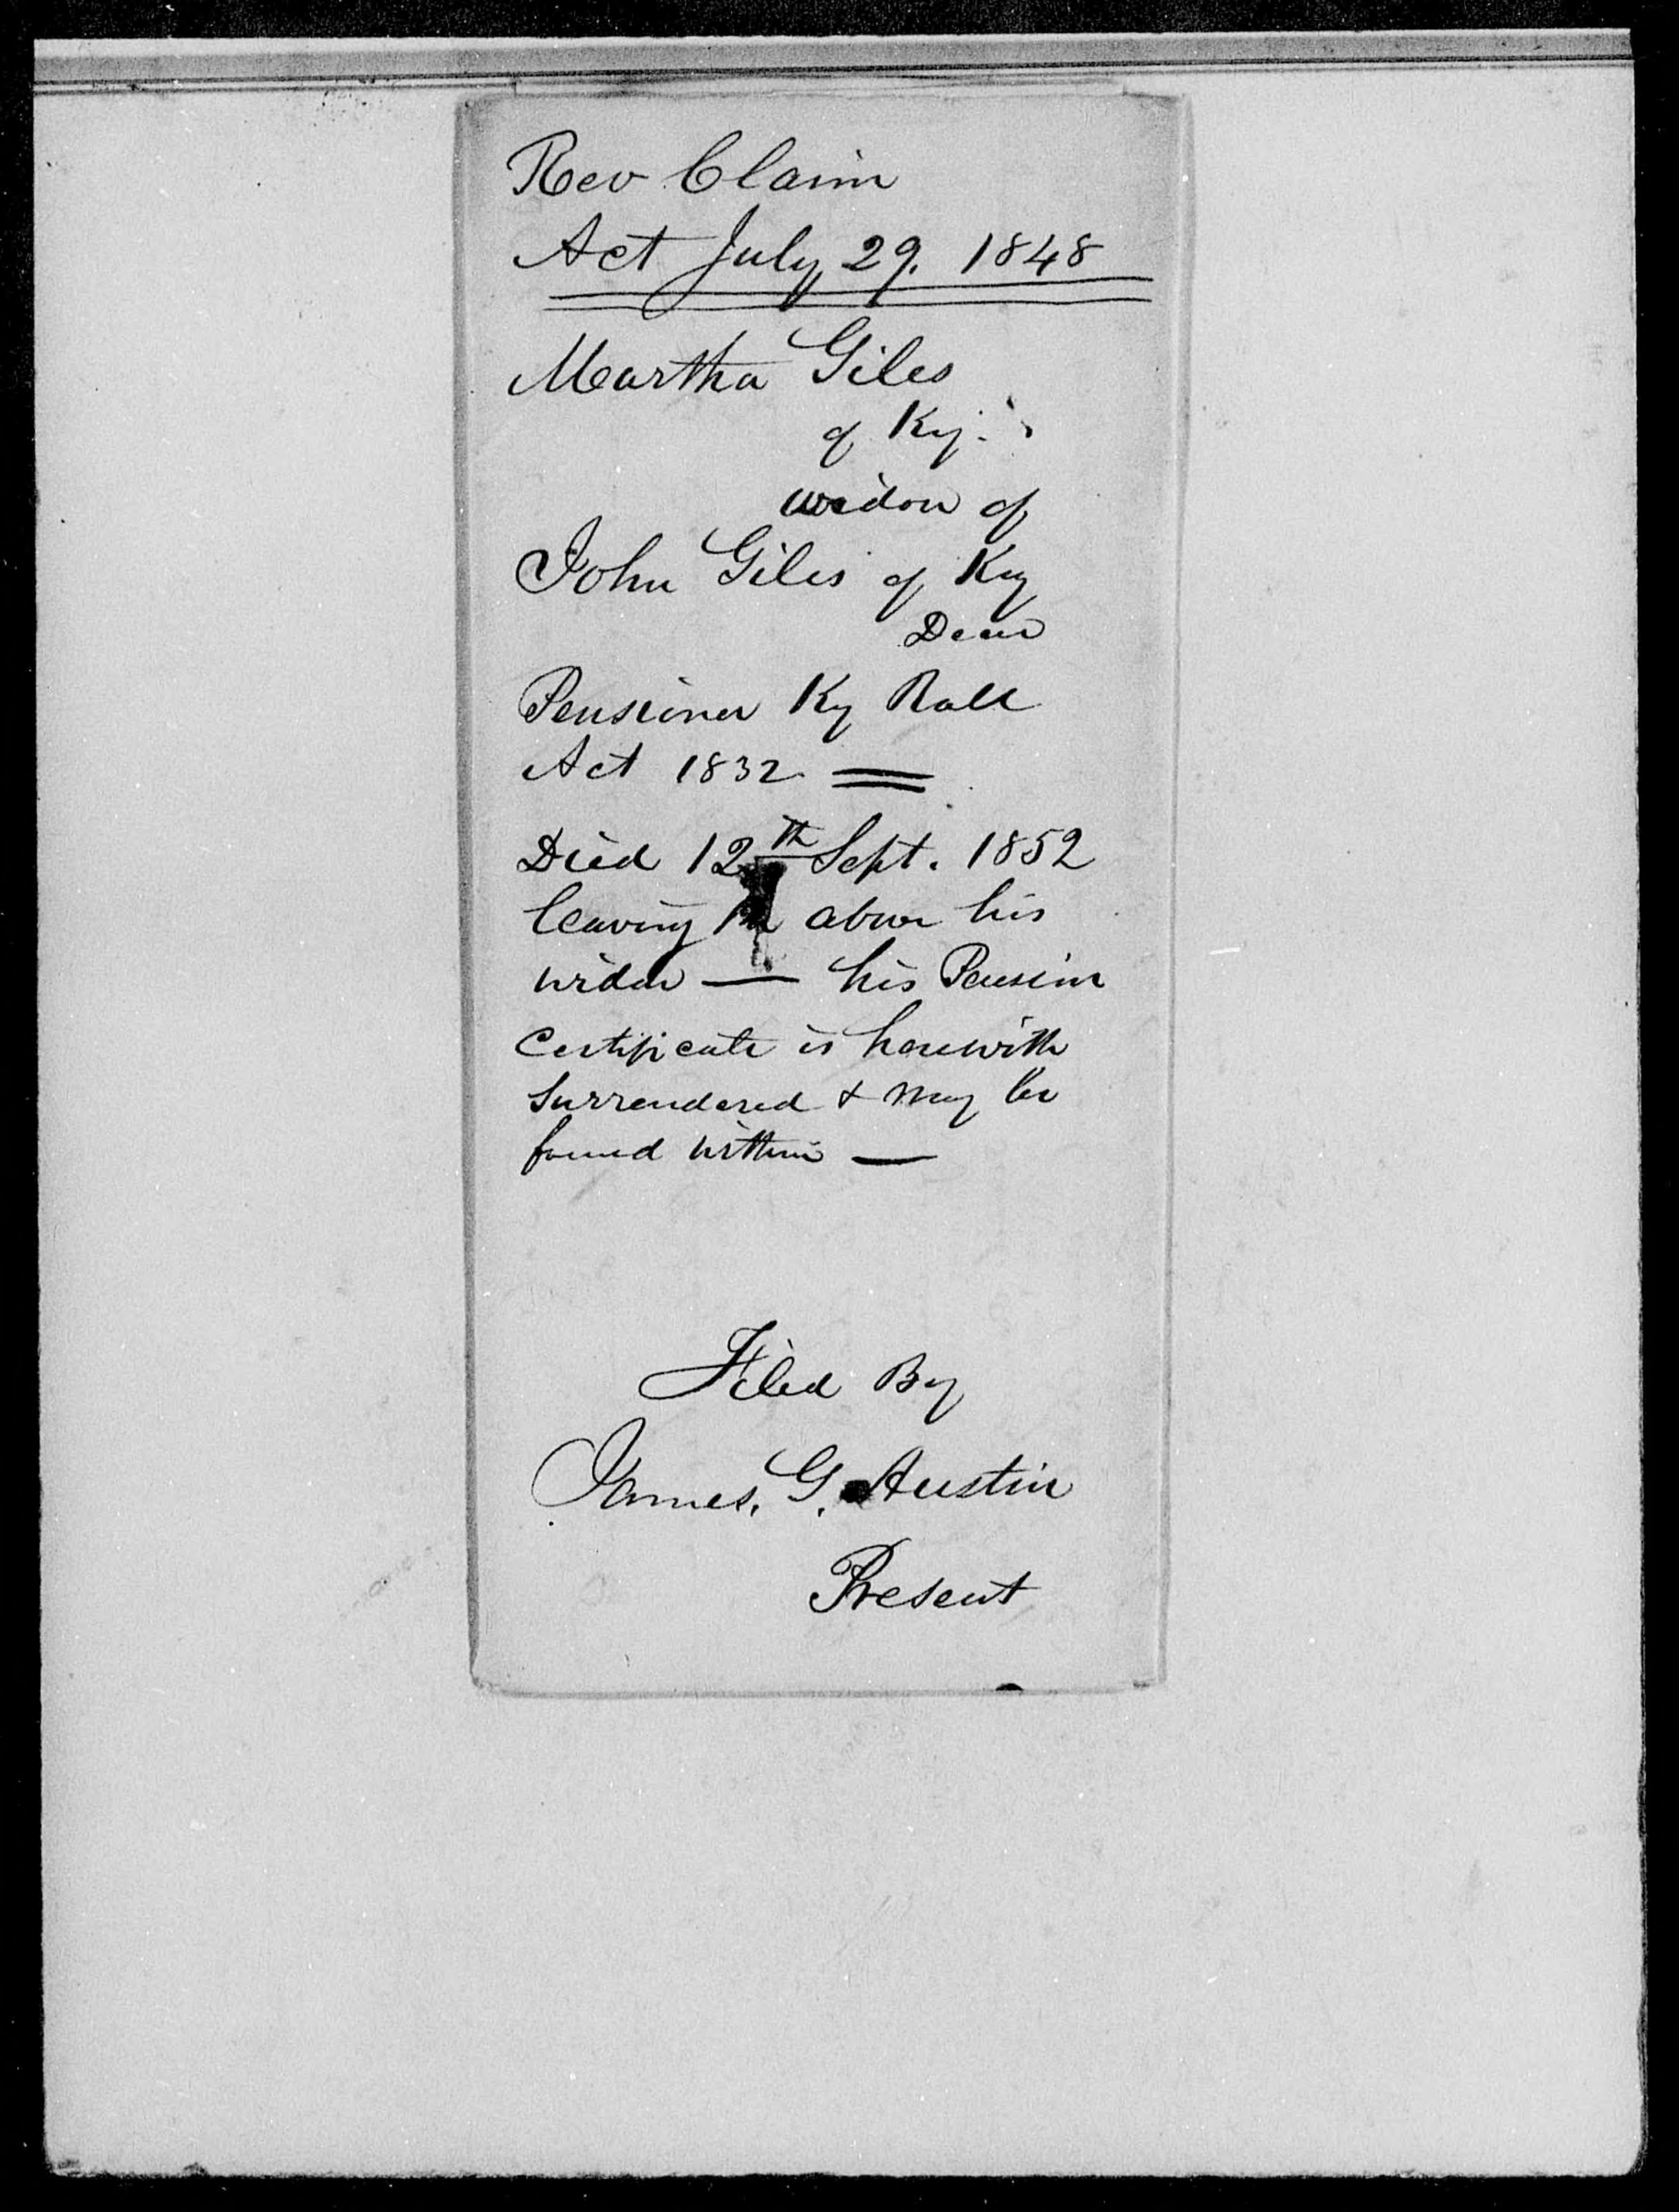Rev Claim
Act July 29, 1848
Martha Giles of Ky
widow of John Giles of Ky Deced
Pensioner Ky Roll Act 1832
Died 12th Sept. 1852 leaving the above his widow his pension
Certificate is herewith surrendered & may be found within

Filed by James G. Austin Present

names: John Giles, James G Austin, Martha Giles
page: 19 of 82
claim: widow's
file: W. 7,522, John Giles, N.C.